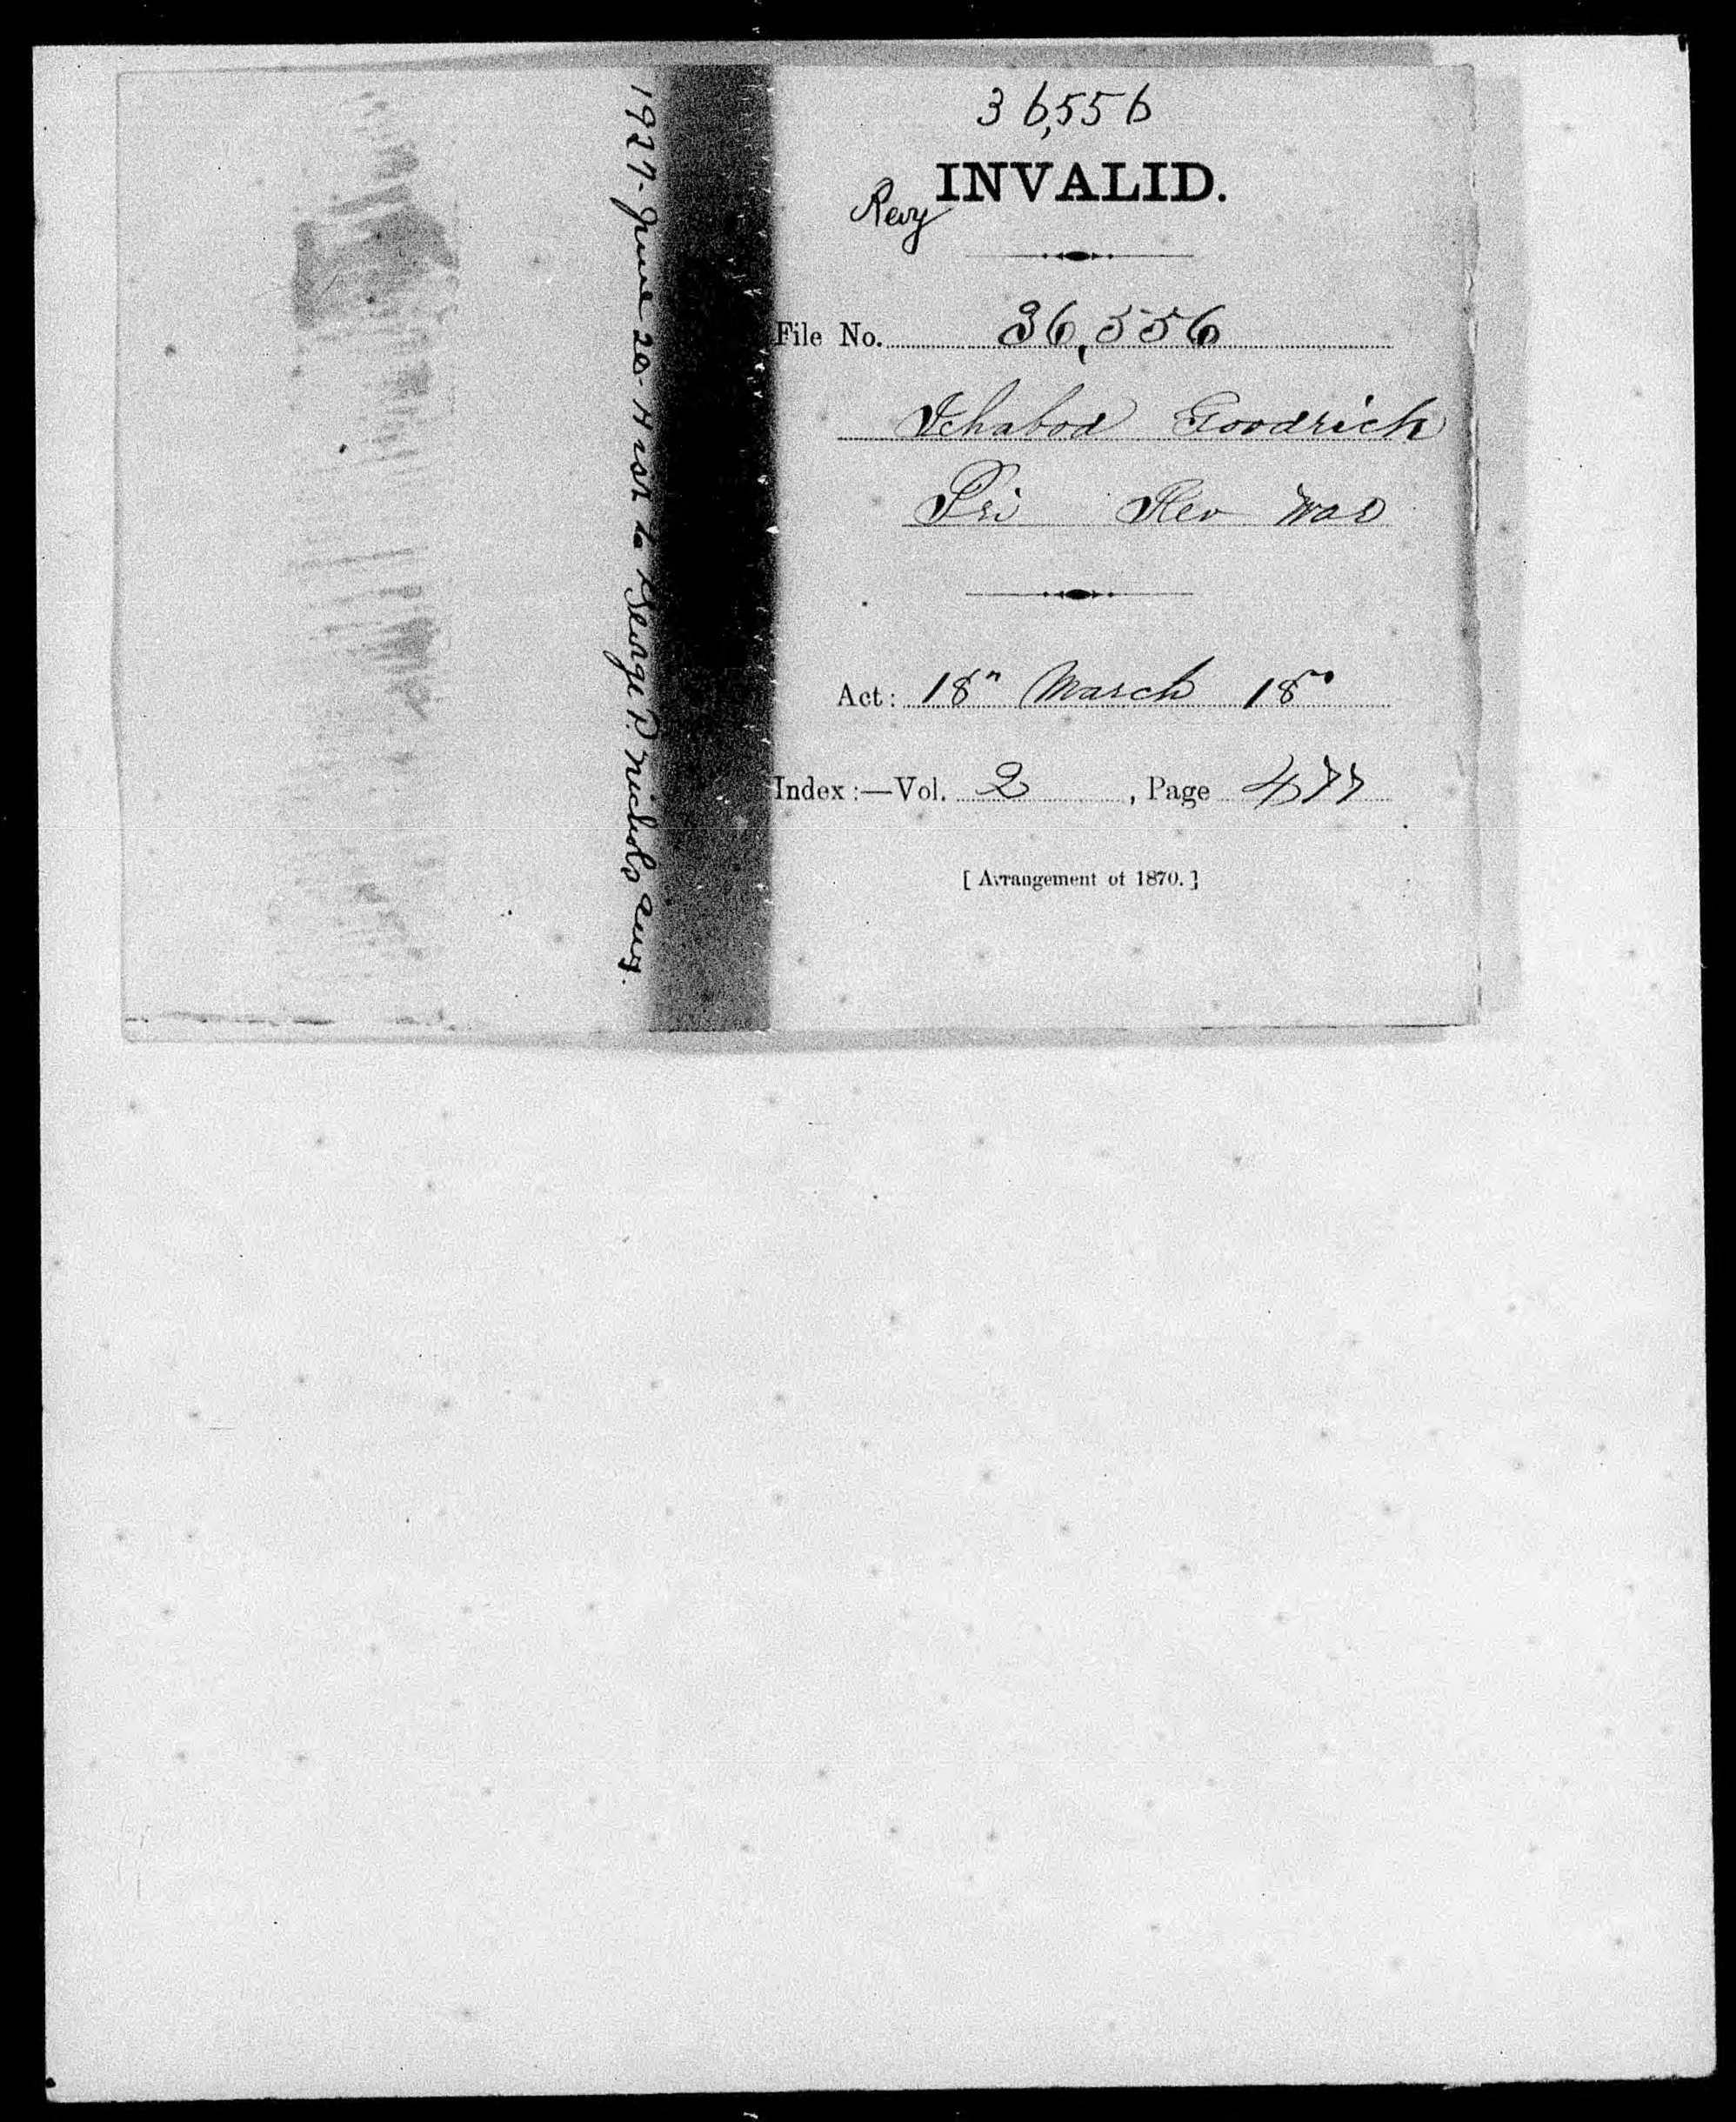36,556

Revy   INVALID

File No 36,556

Ichabod Goodrich

Pri Rev War

Act 18th March 18

Index: - Vol. 2, Page 477
(Arrangement of 1870.)

[sideways]
1927 June 20 Hist to George P. Nichols auf.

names: George P Nichols, Ichabod Goodrich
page: 17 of 46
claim: survivor's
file: S. 36,556, Ichabod Goodrich, Conn.